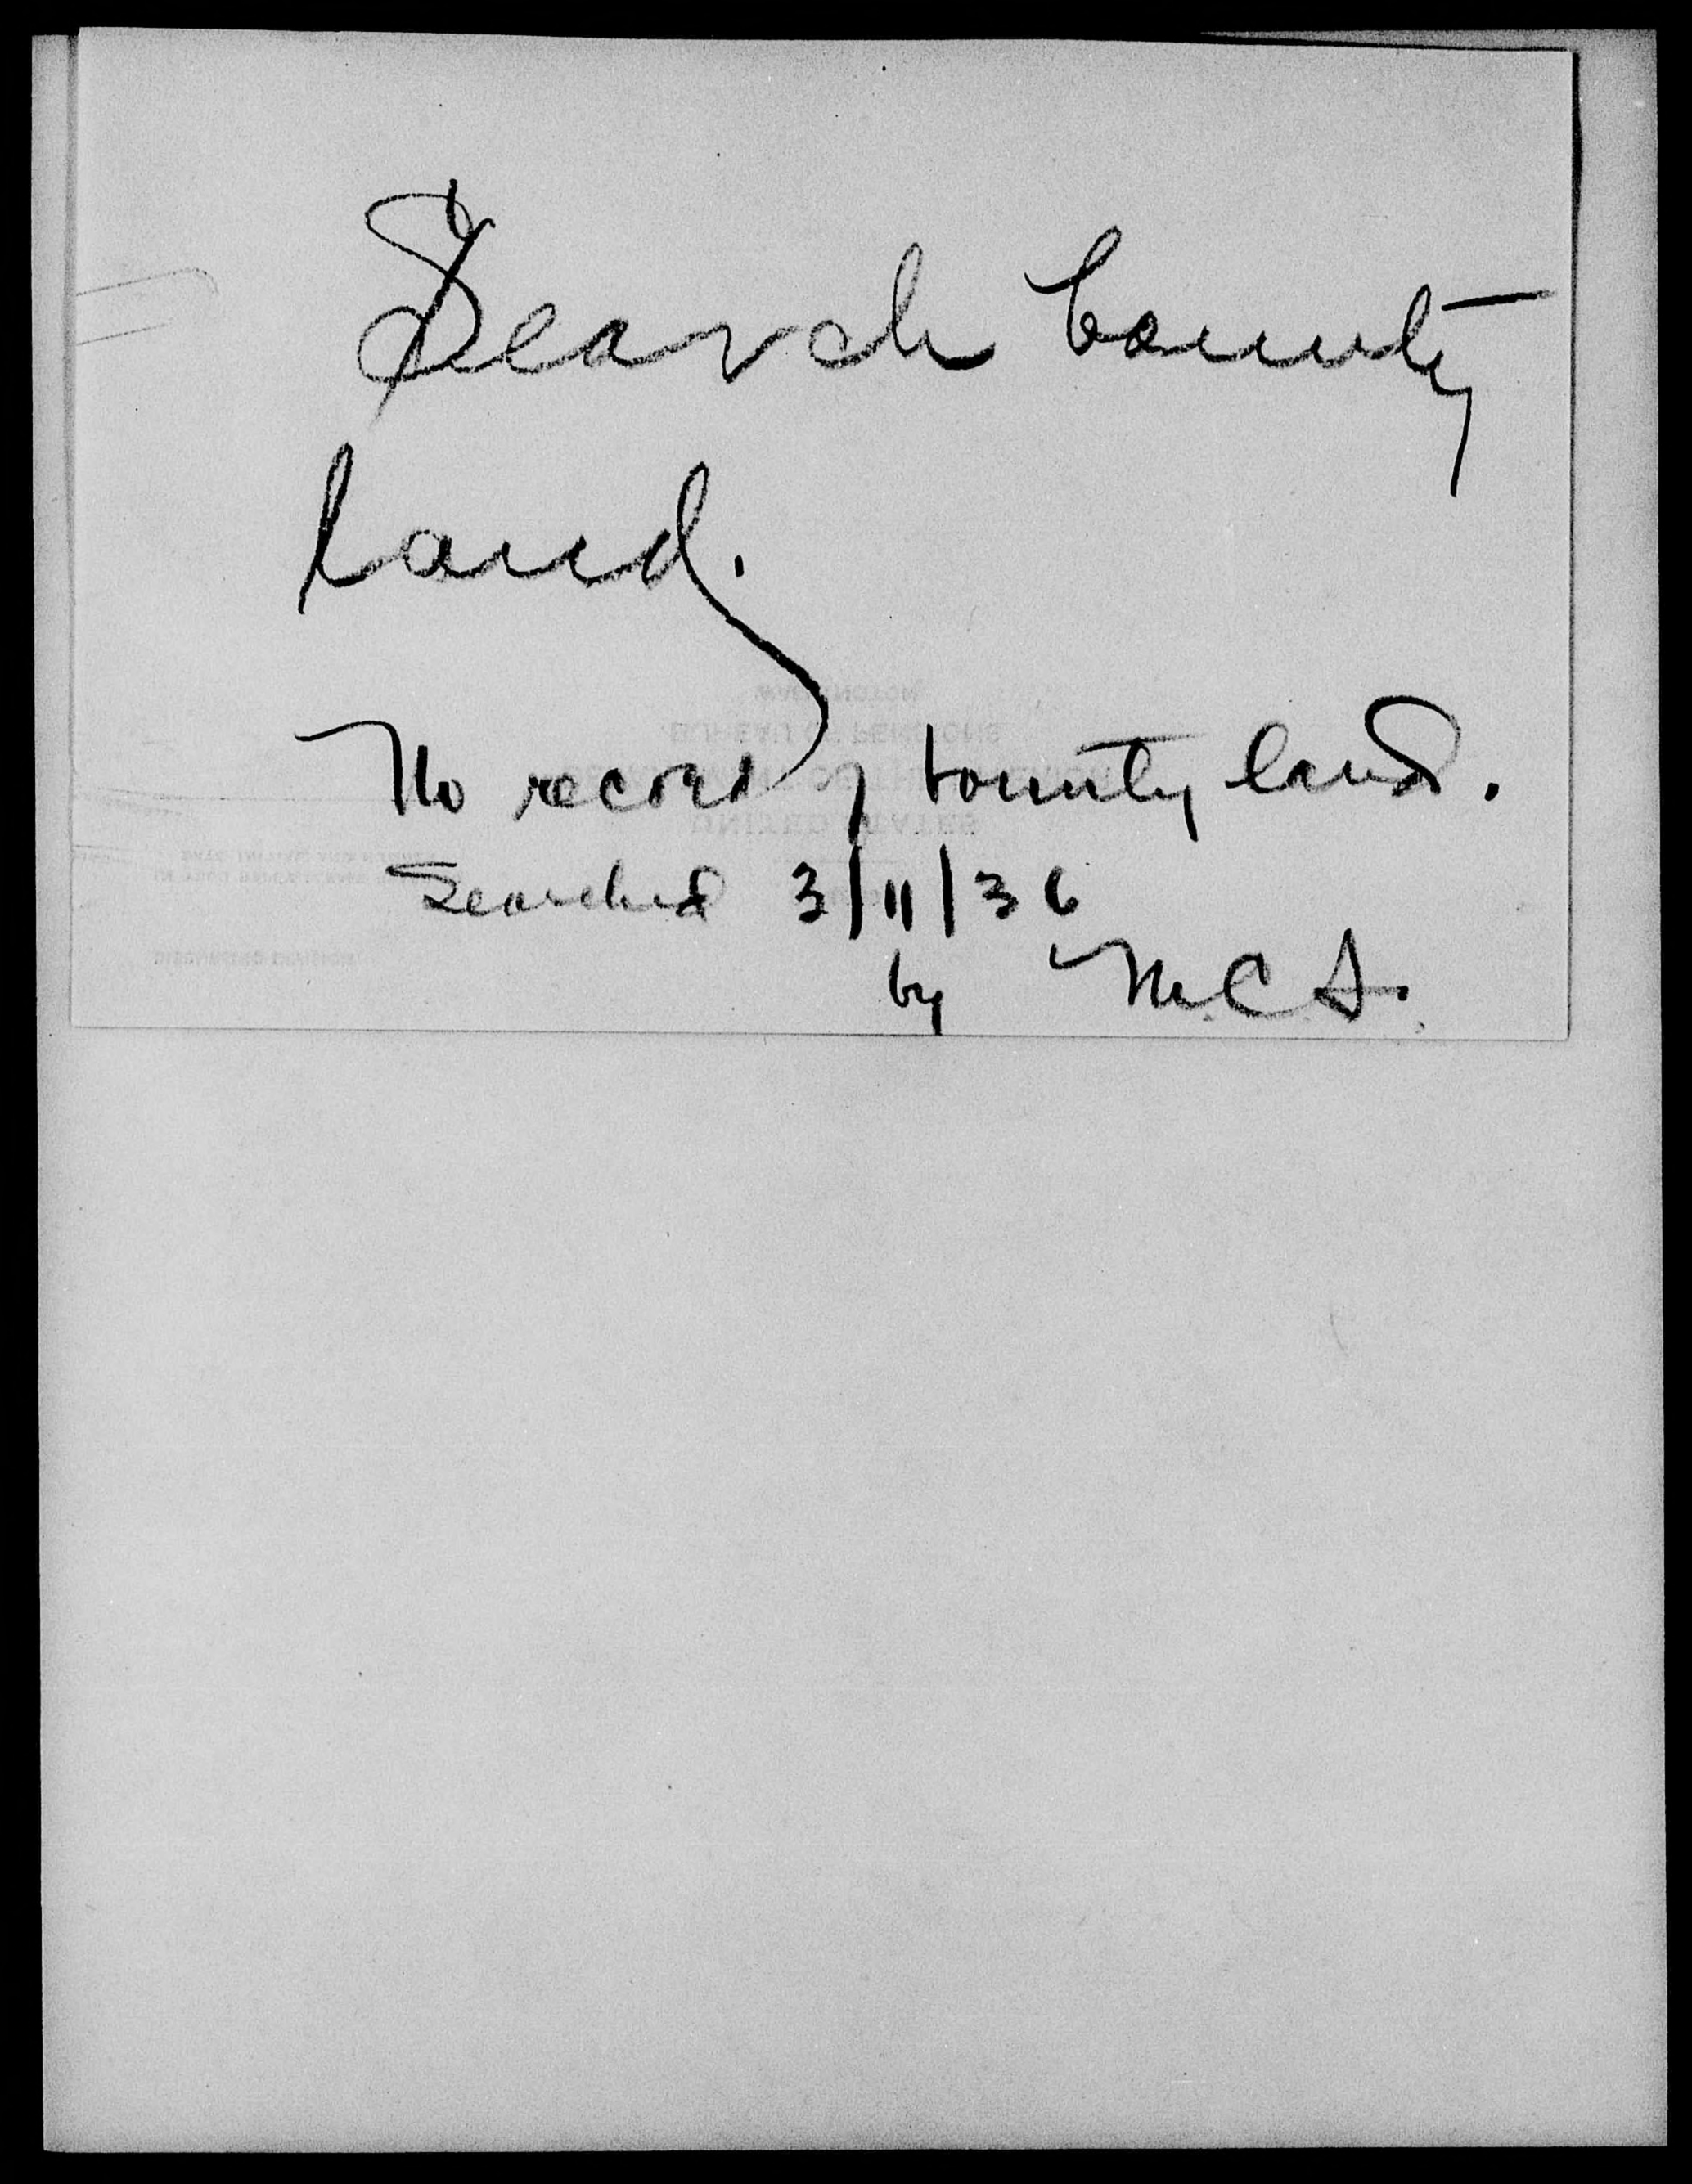Search bounty land.

No record of bounty land.  
Searched 3/4/36 by MCS.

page: 19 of 21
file: Old War Inv. File 26332, for John Parker, Other